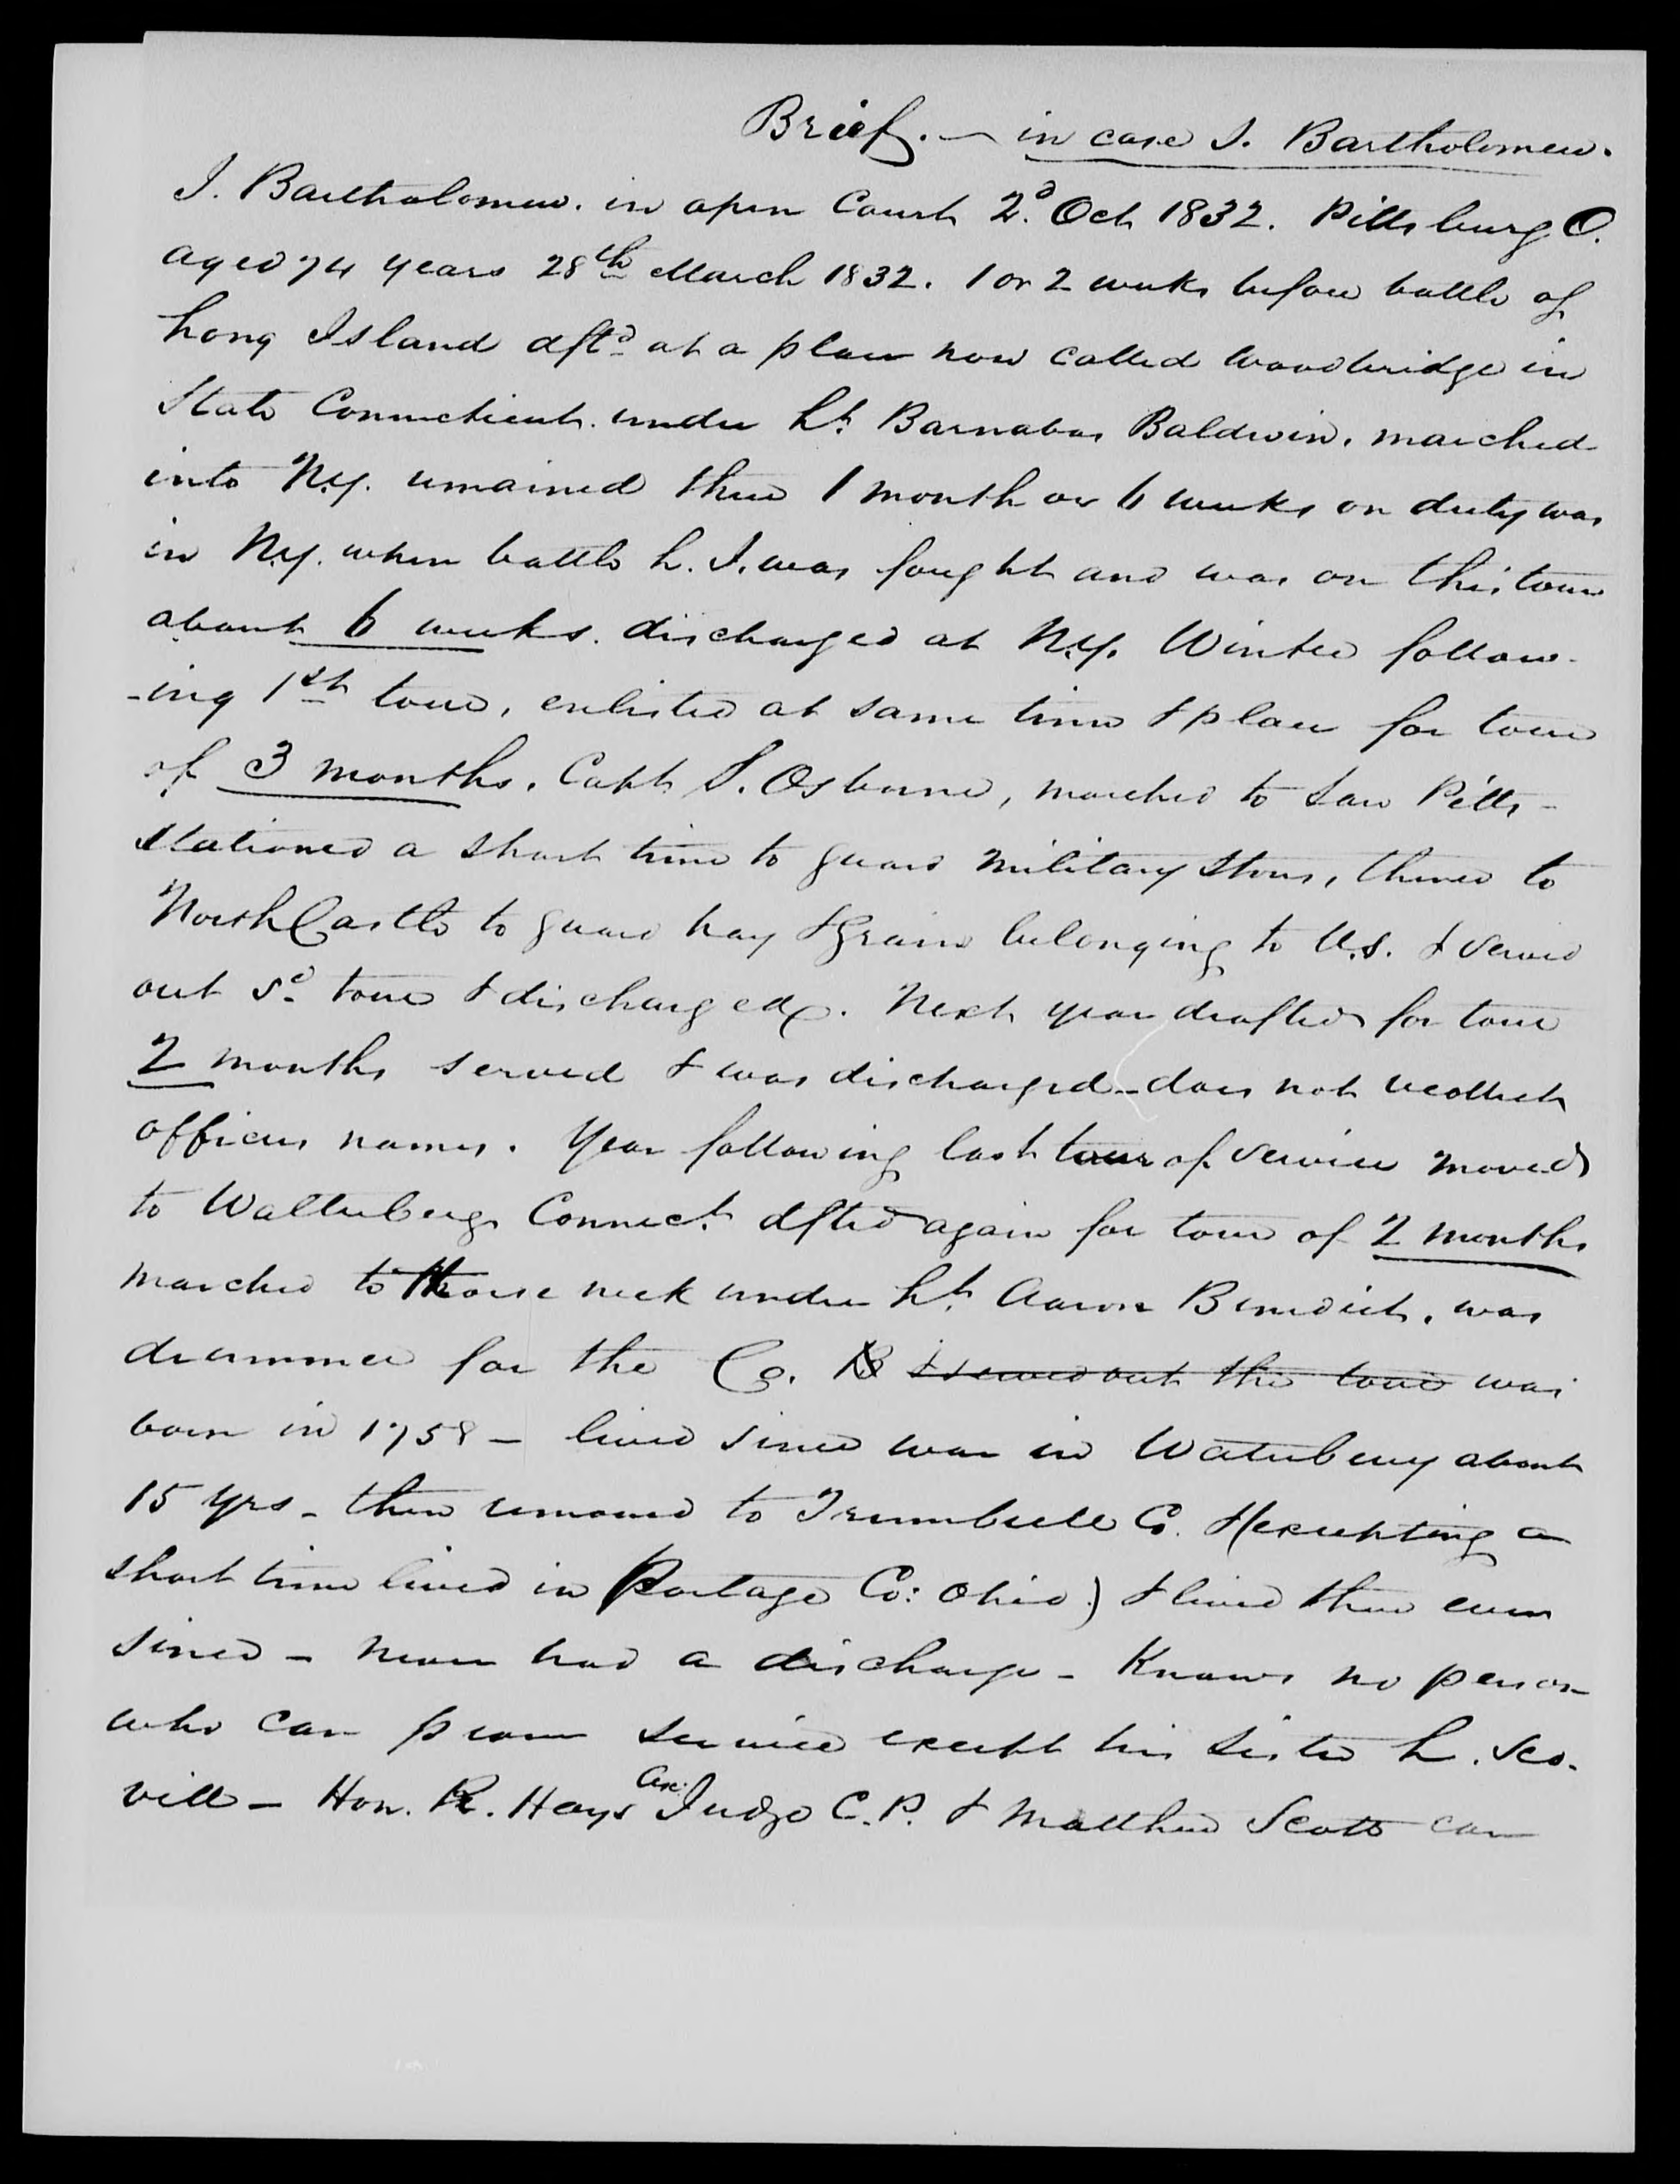Brief-- in case J. Bartholomen
J. Bartholomew in open Court 22 Oct 1832. Pittsburg O
aged 74 years 28th March 1832. 1 or 2 weeks before battle of Long Island aft' at a place now called Woodbridge in State Connecticut under Lt. Barnabas Baldwin, marched into NY remained there 1 month or 6 weeks on duty was in NY when battle. L. I. was fought and was on this town about 6 weeks. discharged at N.Y. Winter following 1st town, enlisted at same time & place for term of 3 months, Capt S. Osborne, marched to Law Pills stationed a short time to guard military stores, thence to North Castle to guard hay & grain belonging to U.S. & served out sd time & discharged. Next year drafted for time 2 months served & was discharged does not recollect officers names. Year following last tour of service moved to Waterbury Connect. drafted again for tour of 2 months marched to Horse Neck under Lt. Aaron Benedict was drummer for the Co. (and served out this term). Was born in 1758 - lived since war in Waterbury about 15 yes. then removed to Trumbull Co. (excepting a
short time lived in Portage Co Ohio) & lived there ever
since - never had a discharge - knows no person
who can prove service except his sister L. Scoville
 Hon. R. Hays Circ. Judge C. P. & Matthew Scott can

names: R Hays, J Bartholomew, Aaron Benedict, J Bartholomew, S Osborne, Matthew Scott, Barnabas Baldwin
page: 40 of 76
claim: widow's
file: W. 9345, Joseph Bartholomew, Conn.